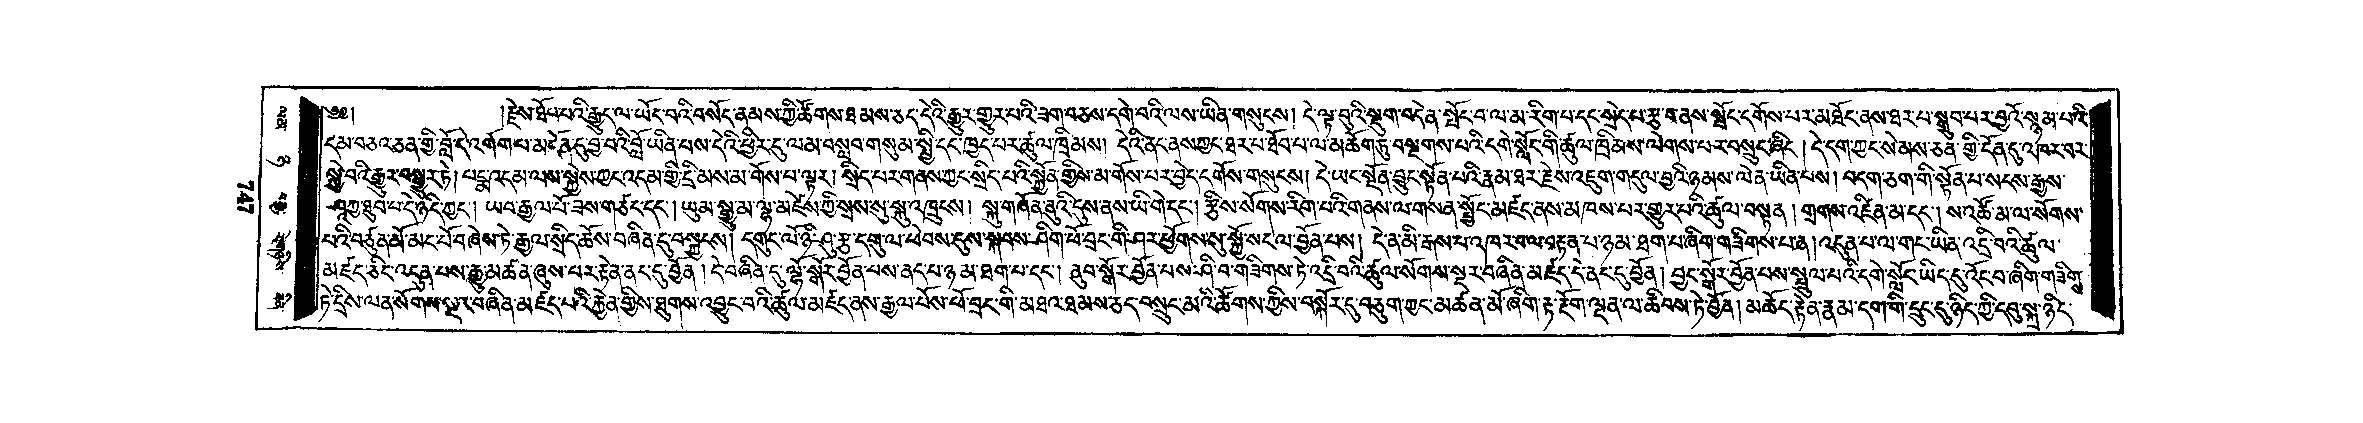༄༅། །རྗེས་ཐོབ་པའི་རྒྱུད་ལ་ཡོད་བའི་བསོད་ནམས་ཀྱི་ཚོགས་ཐམས་ཅད་དེའི་རྒྱུར་གྱུར་པའི་ཟག་བཅས་དགེ་བའི་ལས་ཡིན་གསུངས། དེ་ལྟ་བུའི་སྡུག་བདེན་སྤོང་བ་ལ་མ་རིག་པ་དང་སྲེད་པ་རྩ་བ་ནས་སྤོང་དགོས་པར་མཐོང་ནས་ཐར་པ་སྒྲུབ་པར་བྱའོ་སྙམ་པའི་
དམ་བཅའ་ཅན་གྱི་བློ་དེ་འགོག་པ་མངོན་དུ་བྱ་བའི་བློ་ཡིན་པས་དེའི་ཕྱིར་དུ་ལམ་བསླབ་གསུམ་སྤྱི་དང་ཁྱད་པར་ཚུལ་ཁྲིམས། དེའི་ནང་ནས་ཀྱང་ཐར་པ་ཐོབ་པ་ལ་མཆོག་ཏུ་བསྔགས་པའི་དགེ་སློང་གི་ཚུལ་ཁྲིམས་ལེགས་པར་བསྲུང་ཞིང་། དེ་དག་ཀྱང་སེམས་ཅན་གྱི་དོན་དུ་འཁར་བར་
སྐྱེ་བའི་རྒྱུར་བསྒྱུར་ཏེ། པདམ་འདམ་ལས་སྐྱེས་ཀྱང་འདམ་གྱི་དྲི་མས་མ་གོས་པ་ལྟར། སྲིད་པར་གནས་ཀྱང་སྲིད་པའི་སྐྱོན་གྱིས་མ་གོས་པར་བྱེད་དགོས་གསུངས། དེ་ཡང་སྔོན་བྱུང་སྟོན་པའི་རྣམ་ཐར་རྗེས་འཇུག་གདུལ་བྱའི་ཉམས་ལེན་ཡིན་པས། བདག་ཅག་གི་སྟོན་པ་སངས་རྒྱས་
ཤཱཀྱ་ཐུབ་པ་དེ་ཉིད་ཀྱང་། ཡབ་རྒྱལ་པོ་ཟས་གཙང་དང་། ཡུམ་སྒྱུ་མ་ལྷ་མཛེས་ཀྱི་སྲས་སུ་སྐུ་འཁྲུངས། སྐུ་གཞོན་ནུའི་དུས་ནས་ཡི་གེ་དང་། རྩིས་སོགས་རིག་པའི་གནས་ལ་གསན་སྦྱོང་མཛད་ནས་མཁས་པར་གྱུར་པའི་ཚུལ་བསྟན། གྲགས་འཛིན་མ་དང་། ས་འཚོ་མ་ལ་སོགས་
པའི་བཙུན་མོ་མང་པོ་བཞེས་ཏེ་རྒྱལ་སྲིད་ཆོས་བཞིན་དུ་བསྐྱངས། དགུང་ལོ་ཉི་ཤུ་རྩ་དགུ་ལ་ཕེབས་དུས་སྐབས་ཤིག་ཕོ་བྲང་གི་ཤར་ཕྱོགས་སུ་སྐྱོ་སང་ལ་བྱོན་པས། དེ་ན་མི་རྒས་པ་འཁར་བ་ལ་བརྟན་པ་ཉམ་ཐག་པ་ཞིག་གཟིགས་པ་ན། འདུན་པ་ལ་གང་ཡིན་འདྲི་བའི་ཚུལ་
མཛད་ཅིང་འདུན་པས་རྒྱུ་མཚན་ཞུས་པར་རྟེན་ནང་དུ་བྱོན། དེ་བཞིན་དུ་ལྷོ་སྒོར་བྱོན་པས་ནད་པ་ཉམ་ཐག་པ་དང་། ནུབ་སྒོར་བྱོན་པས་ཤི་བ་གཟིགས་ཏེ་འདྲི་བའི་ཚུལ་སོགས་སྔར་བཞིན་མཛད་དེ་ནང་དུ་བྱོན། བྱང་སྒོར་བྱོན་པས་སྤྲུལ་པའི་དགེ་སློང་ཡིད་དུ་འོང་བ་ཞིག་གཟིགས་
ཏེ་དྲིས་ལན་སོགས་སྔར་བཞིན་མཛད་པའི་རྐྱེན་གྱིས་ཐུགས་འབྱུང་བའི་ཚུལ་མཛད་ནས་རྒྱལ་པོས་ཕོ་བྲང་གི་མཐའ་ཐམས་ཅད་བསྲུང་མའི་ཚོགས་ཀྱིས་བསྐོར་དུ་བཅུག་ཀྱང་མཚན་མོ་ཞིག་རྟ་རྔོག་ལྡན་ལ་ཆིབས་ཏེ་བྱོན། མཆོད་རྟེན་རྣམ་དག་གི་དྲུང་དུ་ཉིད་ཀྱི་དབུ་སྐྲ་ཉིད་